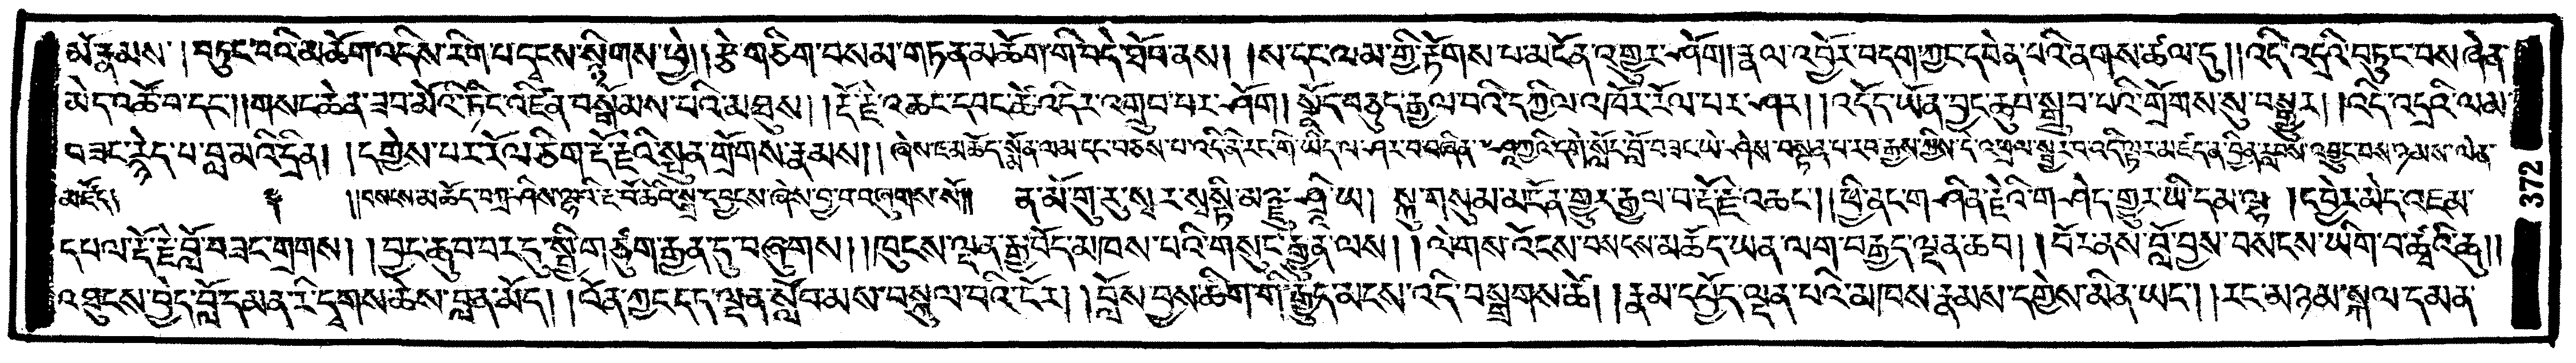མོ་རྣམས། བཏུང་བའི་མཆོག་འདིས་རིག་པ་དྭངས་སྙིགས་ཕྱེ། །རྩེ་གཅིག་བསམ་གཏན་མཆོག་གི་བདེ་ཐོབ་ནས། །ས་དང་ལམ་གྱི་རྟོགས་པ་མངོན་འགྱུར་ཤོག །རྣལ་འབྱོར་བདག་ཀྱང་དབེན་པའི་ནགས་ཚལ་དུ། །འདི་འདྲའི་བཏུང་བས་ཞེན་
མེད་འཚོ་བ་དང་། །གསང་ཆེན་ཟབ་མོའི་ཏིང་འཛིན་བསྒོམས་པའི་མཐུས། །རྡོ་རྗེ་འཆང་དབང་ཚེ་འདིར་འགྲུབ་པར་ཤོག །སྣོད་བཅུད་རྒྱལ་བའི་དཀྱིལ་འཁོར་རོལ་པར་ཤར། །འདོད་ཡོན་བྱང་ཆུབ་སྒྲུབ་པའི་གྲོགས་སུ་བསྒྱུར། །འདི་འདྲའི་ལམ་
བཟང་རྙེད་པ་བླ་མའི་དྲིན། །དགྱེས་པར་རོལ་ཅིག་རྡོ་རྗེའི་སྤུན་གྲོགས་རྣམས། །ཞེས་ཇ་མཆོད་སྨོན་ལམ་དང་བཅས་པ་འདི་ནི་རང་གི་ཡིད་ལ་ཤར་བ་བཞིན ༧་ཤཱཀྱའི་དགེ་སློང་བློ་བཟང་ཡེ་ཤེས་བསྟན་པ་རབ་རྒྱས་ཀྱིས་དེ་འཕྲལ་སྦྱར་བ་འདི་ལྟར་མཛད་ན་བྱིན་རླབས་འབྱུང་བས་ཉམས་ལེན་
མཛོད། ༈ །།བསངས་མཆོད་བཀྲ་ཤིས་ལྷའི་རྔ་བོ་ཆེའི་སྒྲ་དབྱངས་ཞེས་བྱ་བ་བཞུགས་སོ། །ན་མོ་གུ་རུ་སྭ་ར་སྭ་སྟི་མཉྫུ་ཤྲཱི་ཡ། སྐུ་གསུམ་མངོན་གྱུར་རྒྱལ་བ་རྡོ་རྗེ་འཆང་། །ཕྱི་ནང་གཤིན་རྗེའི་གཤེད་གྱུར་ཡི་དམ་ལྷ། དབྱེར་མེད་འཇམ་
དཔལ་རྡོ་རྗེ་བློ་བཟང་གྲགས། །བྱང་ཆུབ་བར་དུ་སྤྱི་གཙུག་རྒྱན་དུ་བཞུགས། །ཁུངས་ལྡན་རྒྱ་བོད་མཁས་པའི་གསུང་རྒྱུན་ལས། །ལེགས་འོངས་བསངས་མཆོད་ཡན་ལག་བརྒྱད་ལྡན་ཆབ། །བོར་ནས་བློ་བྱས་བསངས་ཡིག་བ་ཚྭའི་ཆུ། །
འཐུངས་བྱེད་བློ་དམན་རི་དྭགས་ཆེས་བླ་ན་མོད། །འོན་ཀྱང་དད་ལྡན་སློབ་མས་བསྐུལ་བའི་ངོར། །བློས་བྱས་ཚིག་གི་རྒྱུད་མངས་འདི་བསྒྲགས་ཚེ། །རྣམ་དཔྱོད་ལྡན་པའི་མཁས་རྣམས་དགྱེས་མིན་ཡང་། །རང་མཉམ་སྐལ་དམན་